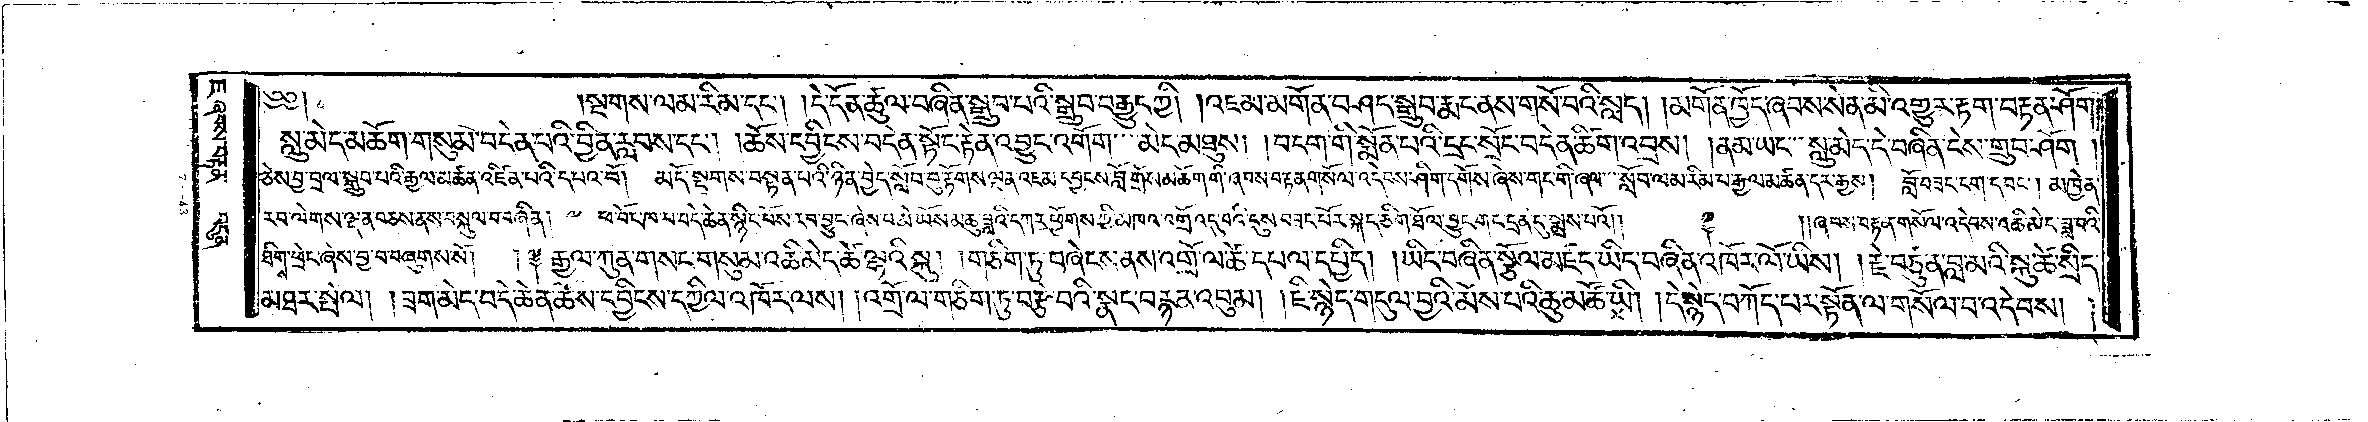༄༅། །སྔགས་ལམ་རིམ་དང་། །དེ་དོན་ཚུལ་བཞིན་སྒྲུབ་པའི་སྒྲུབ་བརྒྱུད་ཀྱི། །འཇམ་མགོན་བཤད་སྒྲུབ་རྨང་ནས་གསོ་བའི་སླད། །མགོན་ཁྱོད་ཞབས་སེན་མི་འགྱུར་རྟག་བརྟན་ཤོག་
སླུ་མེད་མཆོག་གསུམ་བདེན་པའི་བྱིན་རླབས་དང་། །ཆོས་དབྱིངས་བདེན་སྟོང་རྟེན་འབྱུང་འགོག་མེད་མཐུས། །བདག་གི་སྨོན་པའི་དྲང་སྲོང་བདེན་ཚིག་འབྲས། །ནམ་ཡང་སླུ་མེད་དེ་བཞིན་ངེས་གྲུབ་ཤོག་
ཅེས་བྱ་བྲལ་སྒྲུབ་པའི་རྒྱལ་མཚན་འཛིན་པའི་དཔའ་བོ། མདོ་སྔགས་བསྟན་པའི་ཉིན་བྱེད་སློབ་བུ་རྟོགས་ལྡན་འཇམ་དབྱངས་བློ་གྲོས་མཆོག་གི་ཞབས་བརྟན་གསོལ་འདེབས་ཤིག་དགེས་ཞེས་གང་གི་ཞལ་བསློབ་ལམ་རིམ་པ་རྒྱལ་མཚན་དར་རྒྱས། བློ་བཟང་ངག་དབང་། མཁྱེན་
རབ་ལེགས་ལྡན་བཅས་ནས་བསྐུལ་བ་བཞིན། ༧་ཕ་བོང་ཁ་བ་བདེ་ཆེན་སྙིང་པོས་རབ་འབྱུང་ཞེས་པ་མེ་ཡོས་མཆུ་ཟླའི་དཀར་ཕྱོགས་ཀྱི་མཁའ་འགྲོ་འདུ་བའི་དུས་བཟང་པོར་སྐད་ཅིག་ཐོལ་བྱུང་གང་དྲན་དུ་སྨྲས་པའོ།། ༈ །ཞངས་བརྟན་གསོལ་འདེབས་འཆི་མེད་ཟླ་བའི་
ཐིགས་ཕྲེང་ཞེས་བྱ་བ་བཞུགས་སོ། ། ༈ རྒྱལ་ཀུན་གསང་གསུམ་འཆི་མེད་ཚེ་ལྷའི་སྐུ། །གཅིག་ཏུ་བཞེངས་ནས་འགྲོ་ལ་ཚེ་དཔལ་དཔྱིད། །ཡིད་བཞིན་སྩོལ་མཛད་ཡིད་བཞིན་འཁོར་ལོ་ཡིས། །རྗེ་བཙུན་བླ་མའི་སྐུ་ཚེ་སྲིད་
མཐར་སྤེལ། །ཟག་མེད་བདེ་ཆེན་ཆོས་དབྱིངས་དཀྱིལ་འཁོར་ལས། །འགྲོ་ལ་གཅིག་ཏུ་བརྩེ་བའི་སྣང་བརྙན་འབུམ། །ཇི་སྙེད་གདུལ་བྱའི་མོས་པའི་ཆུ་མཚོ་ཡི། །དེ་སྙེད་བཀོད་པར་སྟོན་ལ་གསོལ་བ་འདེབས། །